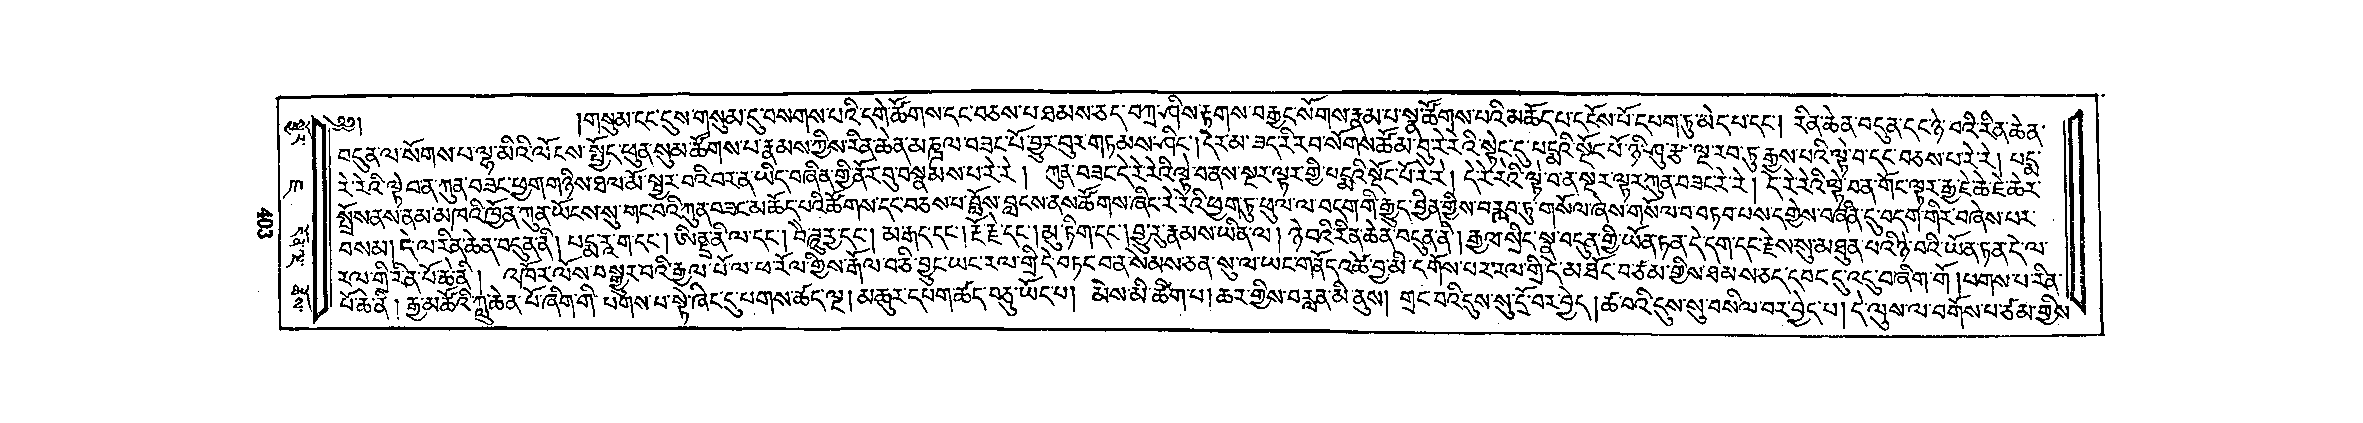༄༅། །གསུམ་དང་དུས་གསུམ་དུ་བསགས་པའི་དགེ་ཚོགས་དང་བཅས་པ་ཐམས་ཅད་བཀྲ་ཤིས་རྟགས་བརྒྱད་སོགས་རྣམ་པ་སྣ་ཚོགས་པའི་མཆོད་པ་དངོས་པོ་དཔག་ཏུ་མེད་པ་དང་། རིན་ཆེན་བདུན་དང་ཉེ་བའི་རིན་ཆེན་
བདུན་ལ་སོགས་པ་ལྷ་མིའི་ལོངས་སྤྱོད་ཕུན་སུམ་ཚོགས་པ་རྣམས་ཀྱིས་རིན་ཆེན་མཎྜལ་བཟང་པོ་བྱུར་བུར་གཏམས་ཤིང་། དེར་མ་ཟད་རི་རབ་སོགས་ཚོམ་བུ་རེ་རེའི་སྟེང་དུ་པདམའི་སྡོང་པོ་ཉི་ཤུ་རྩ་ལྔ་རབ་ཏུ་རྒྱས་པའི་ལྟེ་བ་དང་བཅས་པ་རེ་རེ། པདམ་
རེ་རེའི་ལྟེ་བ་ན་ཀུན་བཟང་ཕྱག་གཉིས་ཐལ་མོ་སྦྱར་བའི་བར་ན་ཡིད་བཞིན་གྱི་ནོར་བུ་བསྣམས་པ་རེ་རེ། ཀུན་བཟང་དེ་རེ་རེའི་ལྟེ་བ་ནས་སྔར་ལྟར་གྱི་པདམའི་སྡོང་པོ་རེ་རེ། དེ་རེ་རེའི་ལྟེ་བ་ན་སྔར་ལྟར་ཀུན་བཟང་རེ་རེ། དེ་རེ་རེའི་ལྟེ་བ་ན་གོང་ལྟར་རྒྱ་ཇེ་ཆེ་ཇེ་ཆེར་
སྤྲོས་ནས་ནམ་མཁའི་ཁྱོན་ཀུན་ཡོངས་སུ་གང་བའི་ཀུན་བཟང་མཆོད་པའི་ཚོགས་དང་བཅས་པ་བློས་བླངས་ནས་ཚོགས་ཞིང་རེ་རེའི་ཕྱག་ཏུ་ཕུལ་ལ་བདག་གི་རྒྱུད་བྱིན་གྱིས་བརླབ་ཏུ་གསོལ་ཞེས་གསོལ་བ་བཏབ་པས་དགྱེས་བཞིན་དུ་བདག་གིར་བཞེས་པར་
བསམ། དེ་ལ་རིན་ཆེན་བདུན་ནི། པདམ་རཱ་ག་དང་། ཨིནྡྲ་ནི་ལ་དང་། བཻཌཱུརྱ་དང་། མ་རྒད་དང་། རྡོ་རྗེ་དང་། མུ་ཏིག་དང་། བྱུ་རུ་རྣམས་ཡིན་ལ། ཉེ་བའི་རིན་ཆེན་བདུན་ནི། རྒྱལ་སྲིད་སྣ་བདུན་གྱི་ཡོན་ཏན་དེ་དག་དང་རྗེས་སུ་མཐུན་པའི་ཉེ་བའི་ཡོན་ཏན་དེ་ལ་
རལ་གྲི་རིན་པོ་ཆེ་ནི། འཁོར་ལོས་བསྒྱུར་བའི་རྒྱལ་པོ་ལ་ཕ་རོལ་གྱིས་རྒོལ་བ་ཅི་བྱུང་ཡང་རལ་གྲི་དེ་བཏང་བ་ན་སེམས་ཅན་སུ་ལ་ཡང་གནོད་འཚེ་བྱ་མི་དགོས་པར་རལ་གྲི་དེ་མཐོང་བ་ཙམ་གྱིས་ཐམས་ཅད་དབང་དུ་འདུ་བ་ཞིག་གོ །ཕགས་པ་རིན་
པོ་ཆེ་ནི། རྒྱ་མཚོའི་ཀླུ་ཆེན་པོ་ཞིག་གི་པགས་པ་སྟེ་ཞིང་དུ་པགས་ཚད་ལྔ། མཆུར་དཔག་ཚད་བཅུ་ཡོད་པ། མེས་མི་ཚིག་པ། ཆར་གྱིས་བརླན་མི་ནུས། གྲང་བའི་དུས་སུ་དྲོ་བར་བྱེད། ཚ་བའི་དུས་སུ་བསིལ་བར་བྱེད་པ། དེ་ལུས་ལ་བགོས་པ་ཙམ་གྱིས་